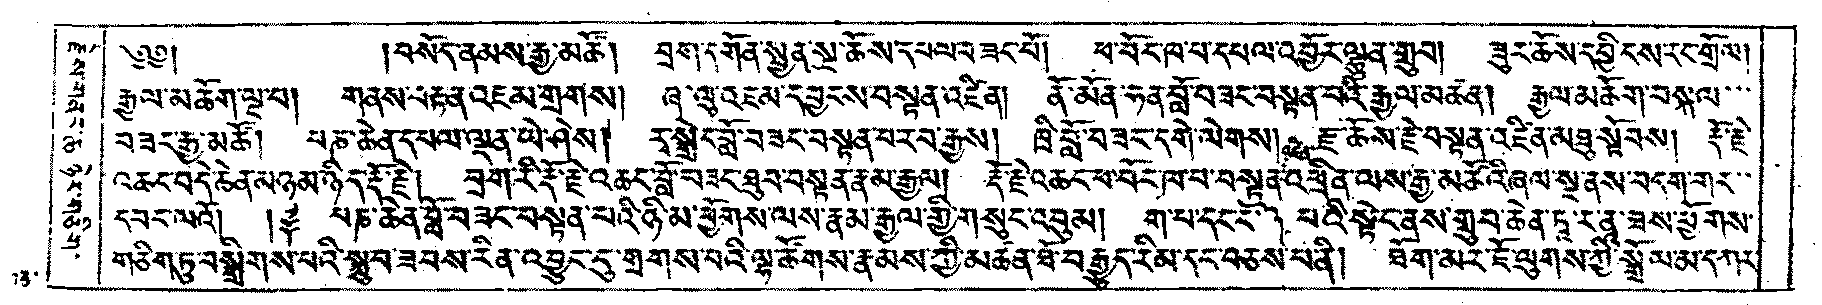༄༅། །བསོད་ནམས་རྒྱ་མཚོ། བྲག་དགོན་སྤྱན་སྔ་ཆོས་དཔལ་བཟང་པོ། ཕ་བོང་ཁ་པ་དཔལ་འབྱོར་ལྷུན་གྲུབ། ཟུར་ཆོས་དབྱིངས་རང་གྲོལ།
རྒྱལ་མཆོག་ལྔ་པ། གནས་བརྟན་འཇམ་གྲགས། ཞ་ལུ་འཇམ་དབྱངས་བསྟན་འཛིན། ནོ་མོན་ཧན་བློ་བཟང་བསྟན་པའི་རྒྱལ་མཚན། རྒྱལ་མཆོག་བསྐལ་
བཟང་རྒྱ་མཚོ། པཎ་ཆེན་དཔལ་ལྡན་ཡེ་ཤེས། རྭ་སྒྲེང་བློ་བཟང་བསྟན་པ་རབ་རྒྱས། ཁྲི་བློ་བཟང་དགེ་ལེགས། རྫ་ཆོས་རྗེ་བསྟན་འཛིན་མཐུ་སྟོབས། རྡོ་རྗེ་
འཆང་བདེ་ཆེན་མཉམ་ཉིད་རྡོ་རྗེ། བྲག་རི་རྡོ་རྗེ་འཆང་བློ་བཟང་ཐུབ་བསྟན་རྣམ་རྒྱལ། རྡོ་རྗེ་འཆང་ཕ་བོང་ཁ་པ་བསྟན་འཛིན་འཕྲིན་ལས་རྒྱ་མཚོའི་ཞལ་སྔ་ནས་བདག་གར་
དབང་ལའོ། །༈ པཎ་ཆེན་བློ་བཟང་བསྟན་པའི་ཉི་མ་ཕྱོགས་ལས་རྣམ་རྒྱལ་གྱི་གསུང་འབུམ། ག་པ་དང་ང྄་པའི་སྟེང་ནས་གྲུབ་ཆེན་ཏཱ་ར་ནཱ་ཐས་ཕྱོགས་
གཅིག་ཏུ་བསྒྲིགས་པའི་སྒྲུབ་ཐབས་རིན་འབྱུང་དུ་གྲགས་པའི་ལྷ་ཚོགས་རྣམས་ཀྱི་མཚན་ཐོ་བརྒྱུད་རིམ་དང་བཅས་པ་ནི། ཐོག་མར་ཇོ་ལུགས་ཀྱི་སྒྲོལ་མ་དཀར་